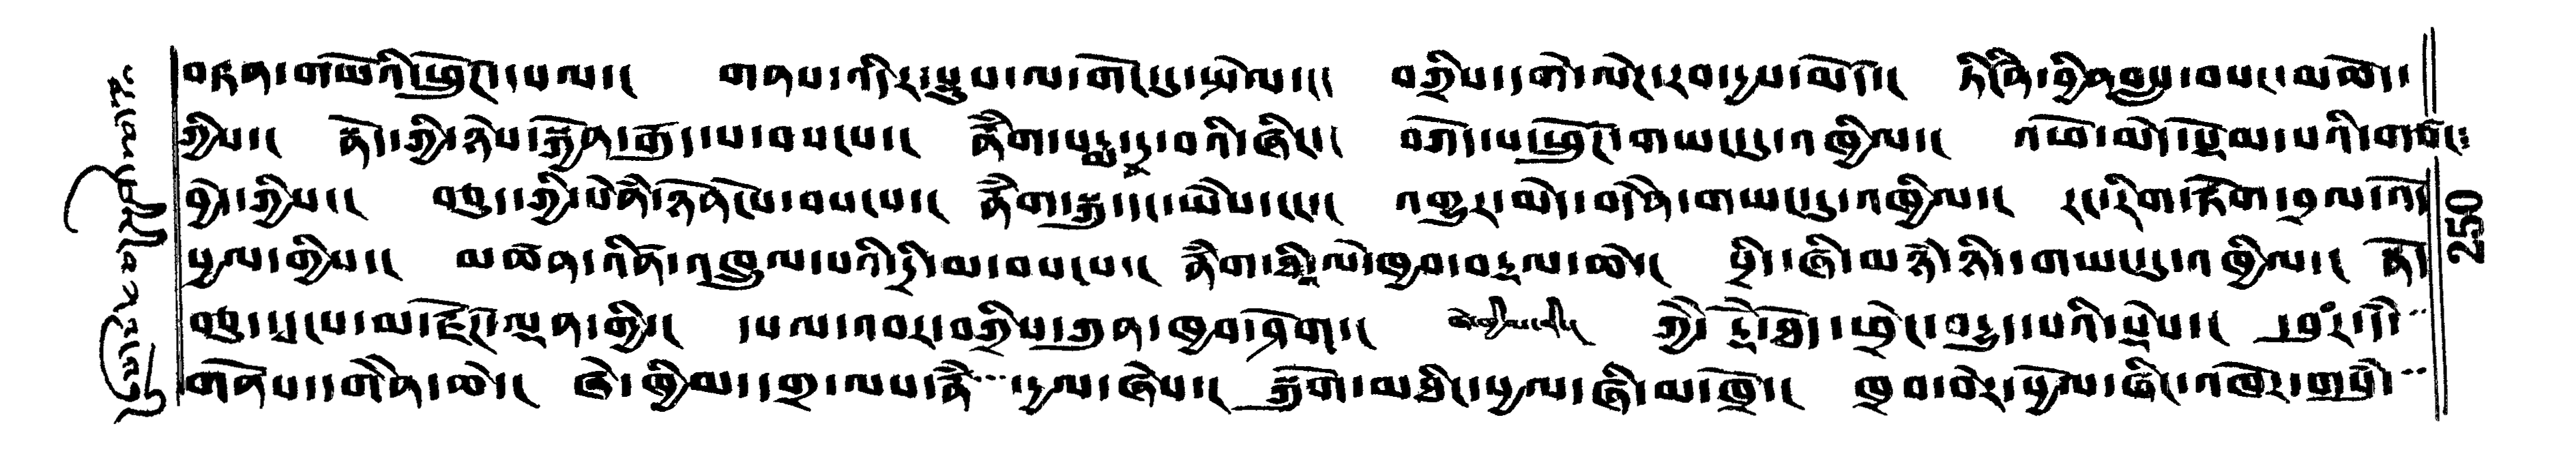བརྟན་གཡོའི་ཕུན་ཚོགས་དཔལ། །གནས་འདིར་སྡུས་ལ་གོང་དུ་སྤེལ། །བཀྲ་ཤིས་དགེ་ལེགས་རབ་རྒྱས་མཛོད། །ཏིང་འཛིན་བྱིན་རླབས་བསང་མཆོད་
ཀྱིས། །སྣོད་ཀྱི་ཉེས་སྐྱོན་རྒུད་པ་བསངས། །རྣམ་དག་པདྨ་དྲྭ་བའི་ཞིང་། །བཀོད་པ་ཕུན་ཚོགས་གཡང་དུ་འཁྱིལ། །འཕོ་མེད་སྡོམ་པའི་གཙང་
བྱེད་ཀྱིས། །བཅུད་ཀྱི་སེམས་ཅན་ཉོན་མོངས་བསངས། །རྣམ་དག་སྐུ་དང་ཡེ་ཤེས་ངང་། །འགྱུར་མེད་བདེ་ཆེན་གཡང་དུ་འཁྱིལ། །རང་རིག་རྟོག་བྲལ་འོད་
གསལ་གྱིས། །མཚན་འཛིན་འཁྲུལ་པའི་དྲི་མ་བསངས། །རྣམ་དག་ཐིག་ལེ་ཁྱབ་བརྡལ་ཆེ། །སྲིད་ཞི་མཉམ་ཉིད་གཡང་དུ་སྐྱིལ། །སྣོད་
བཅུད་དྭངས་མ་རྫོགས་ལྡན་གྱི། །དཔལ་འབར་བཀྲ་ཤིས་ཀུན་ཁྱབ་ཤོགཞེ་ཁྱིམ་ནི། ཀྱཻ། རྡོ་རྗེ་ཐོད་ཕྲེང་བརྒྱུད་པའི་སྡེས། །དབང་བསྐུར་དམ་
ནོས་དགེ་གཉེན་ཆེ། །ཞེ་ཁྱིམ་དགྲ་ལས་རྣམ་རྒྱལ་ཞེས། །སྐུ་མདོག་མཐིང་གསལ་ཞི་མ་ཁྲོ། །ཁྲབ་བེར་གསོལ་ཞིང་འཁོར་གསུམ་